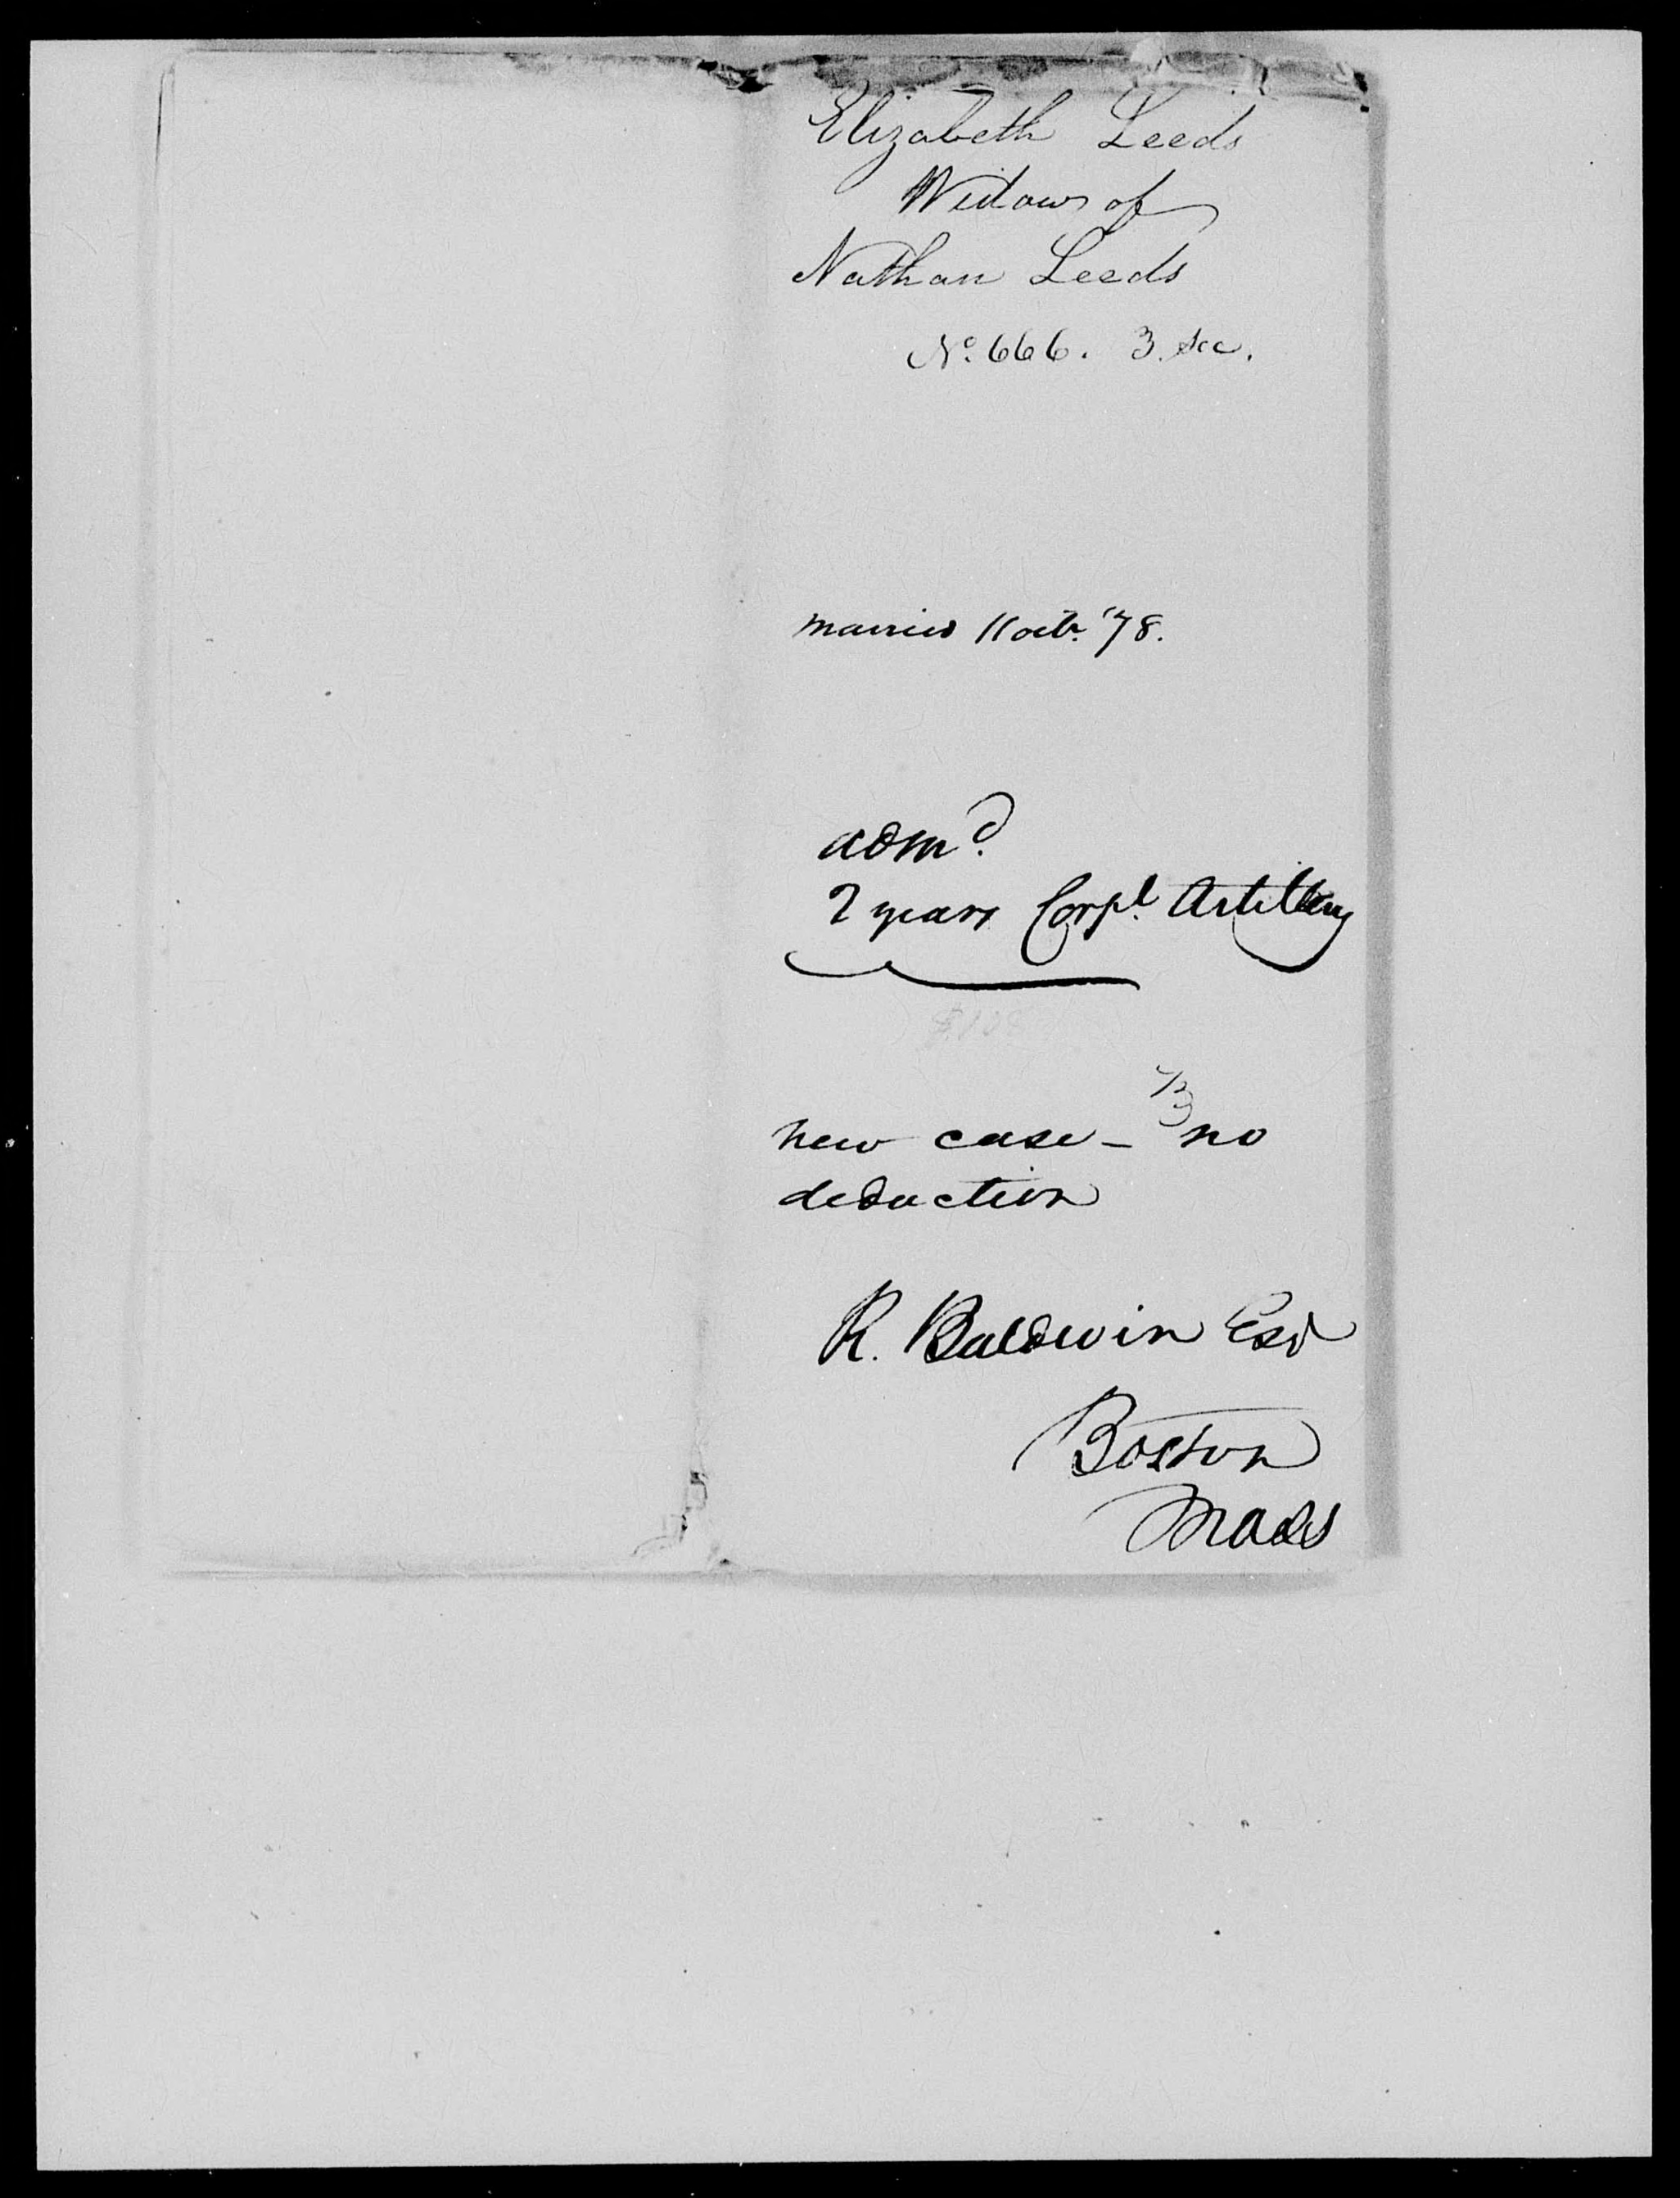Elizabeth Leeds widow of Nathan Leeds
No. 666 3 sec.
Married 11 October '78.
[illegible] 2 years Corpl. Artillery

New case-no deduction
R Baldwin Esq
Boston Mass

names: R Baldwin; Nathan Leeds; Elizabeth Leeds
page: 7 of 33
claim: widow's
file: W. 21,567, for Nathan Leeds, Massachusetts